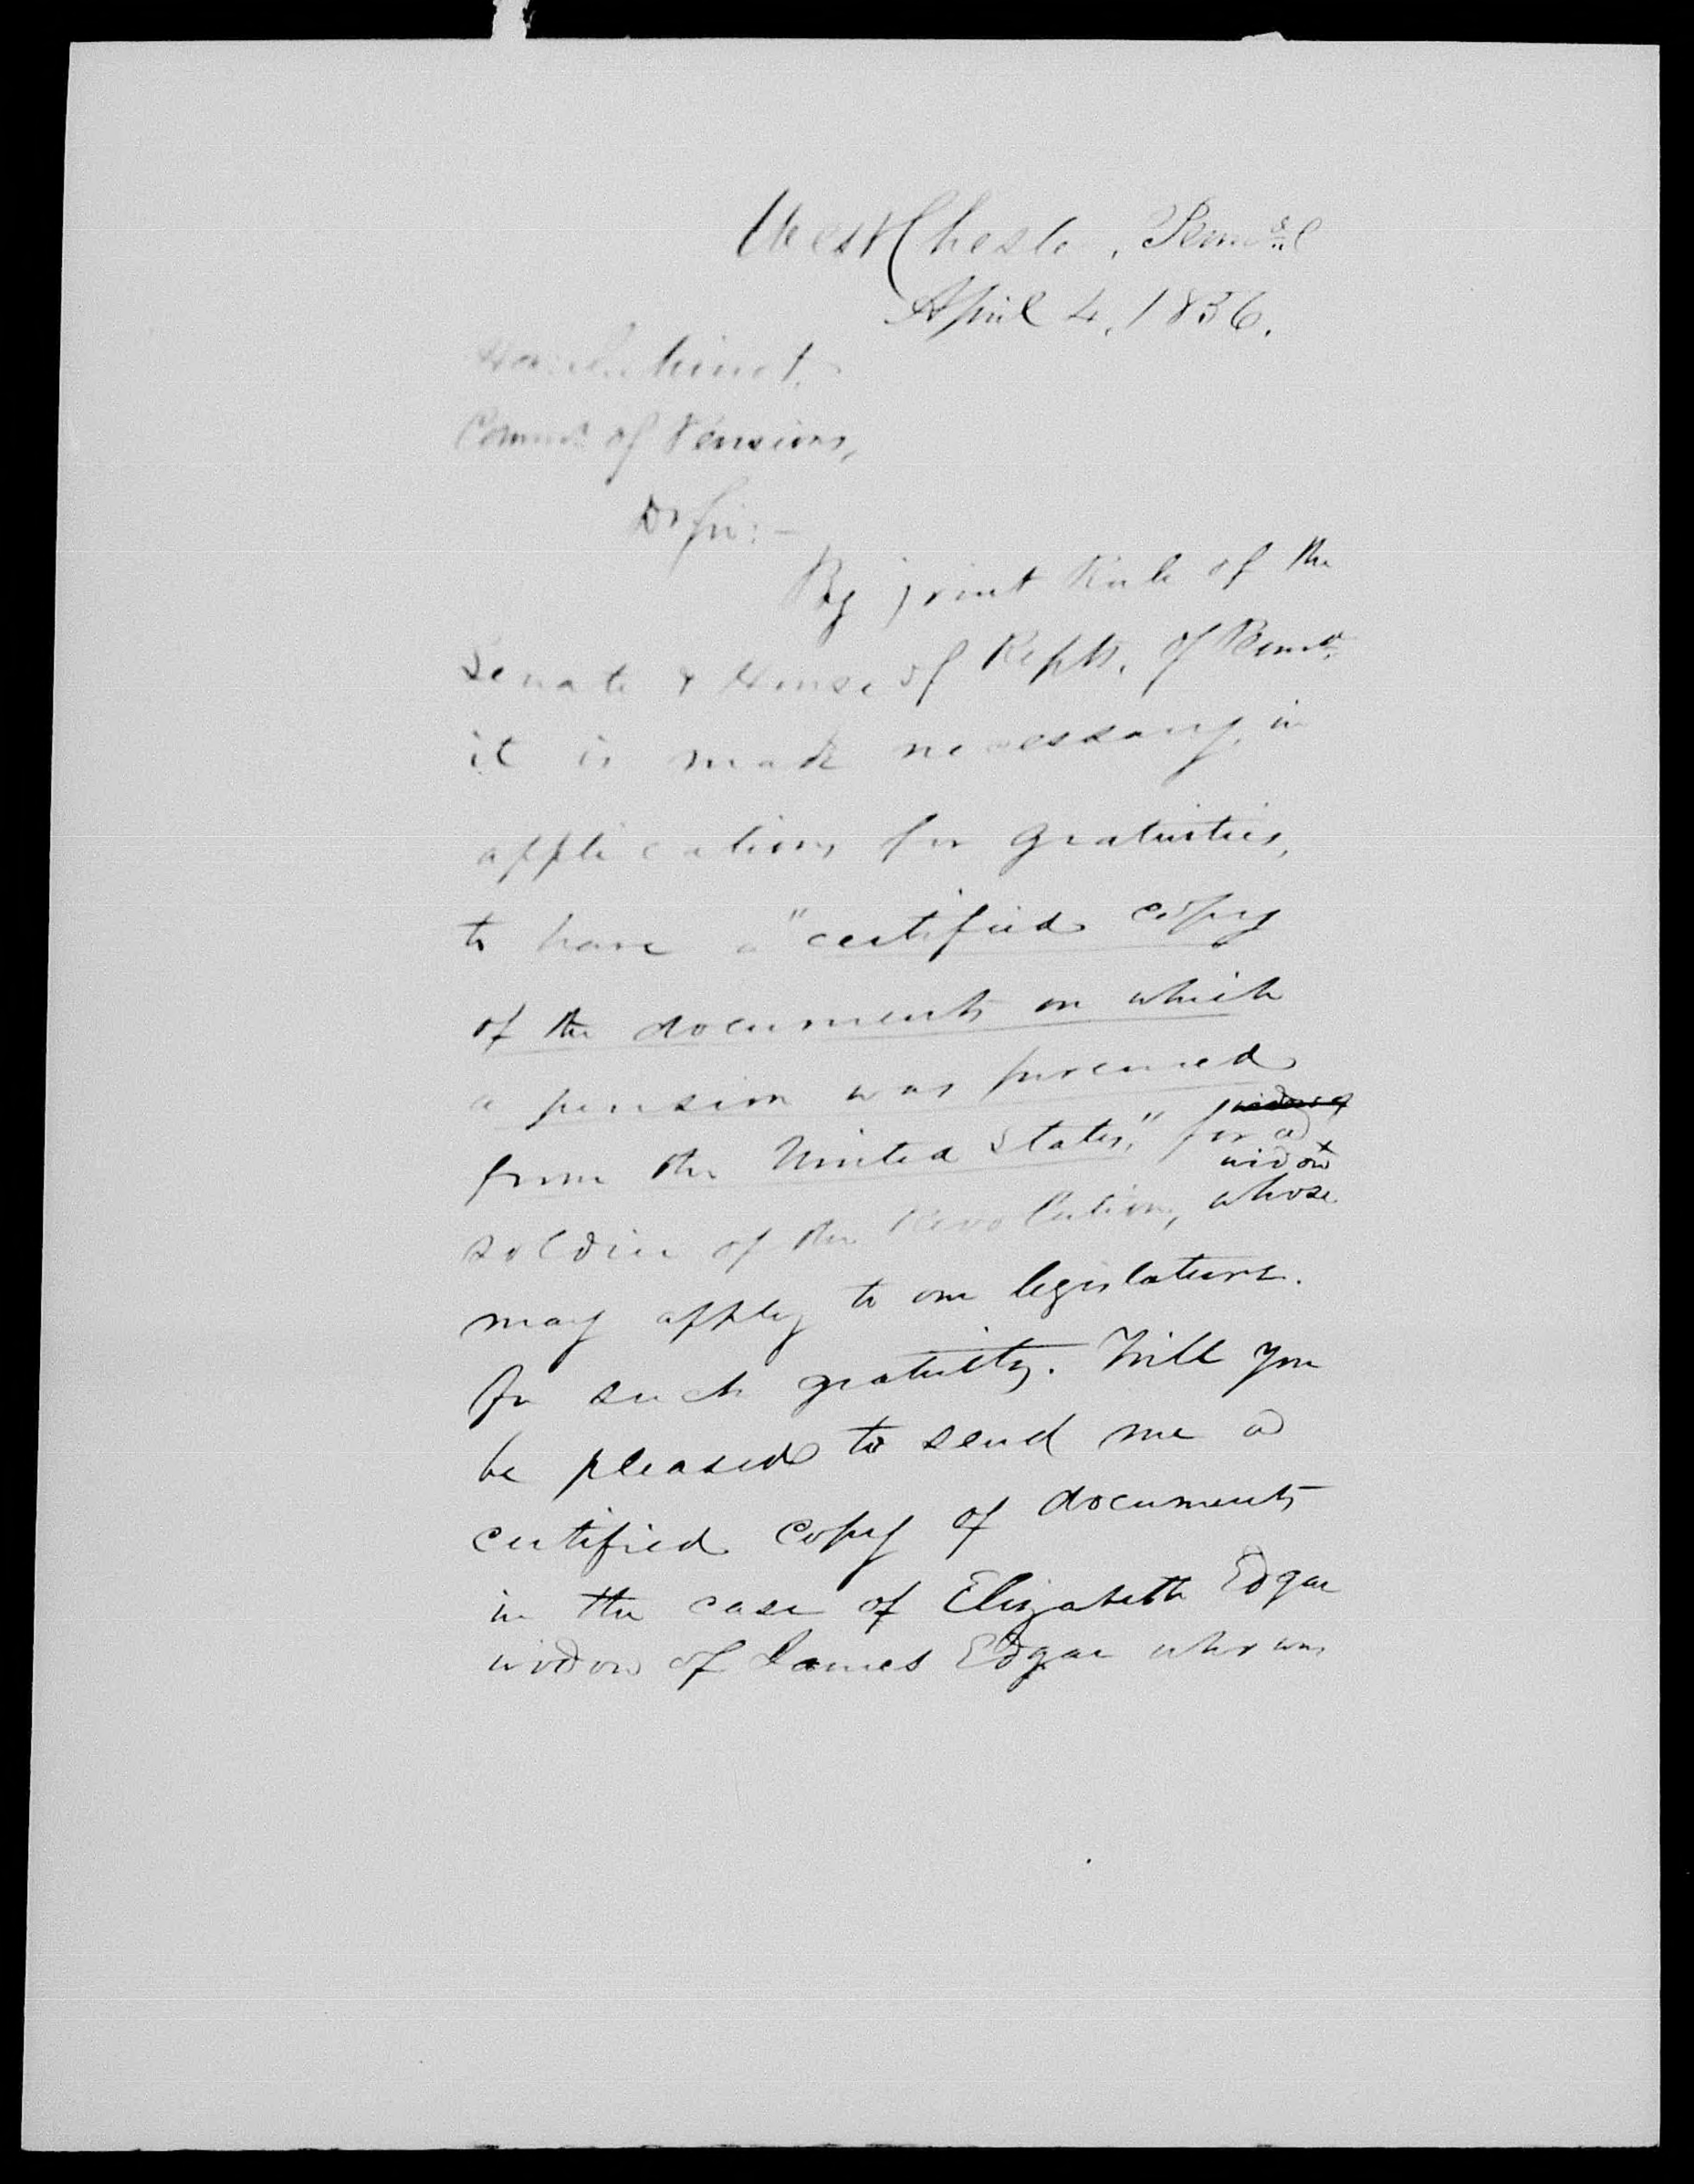West Chester, Pennsl
April 4, 1836

(illegible)Hankin
Commr of Pensions,
Dr Siar: - 
By joint Rule of the
Senate House of Repts of Penn
it is made necessary in
application for gratuities
to have "certified copy
of the documents in which
a pension was procured
from the United States,"
soldier of the Revolution, whose widow x
may apply to our legislature
for such gratuity. Will you
be pleased to send me a
certified copy of documents
in the case of Elizabeth Edgar
widow of James Edgar who was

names: James Edgar, J Minot, Elizabeth Edgar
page: 28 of 74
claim: widow's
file: W. 9422, James Edgar, Penn.